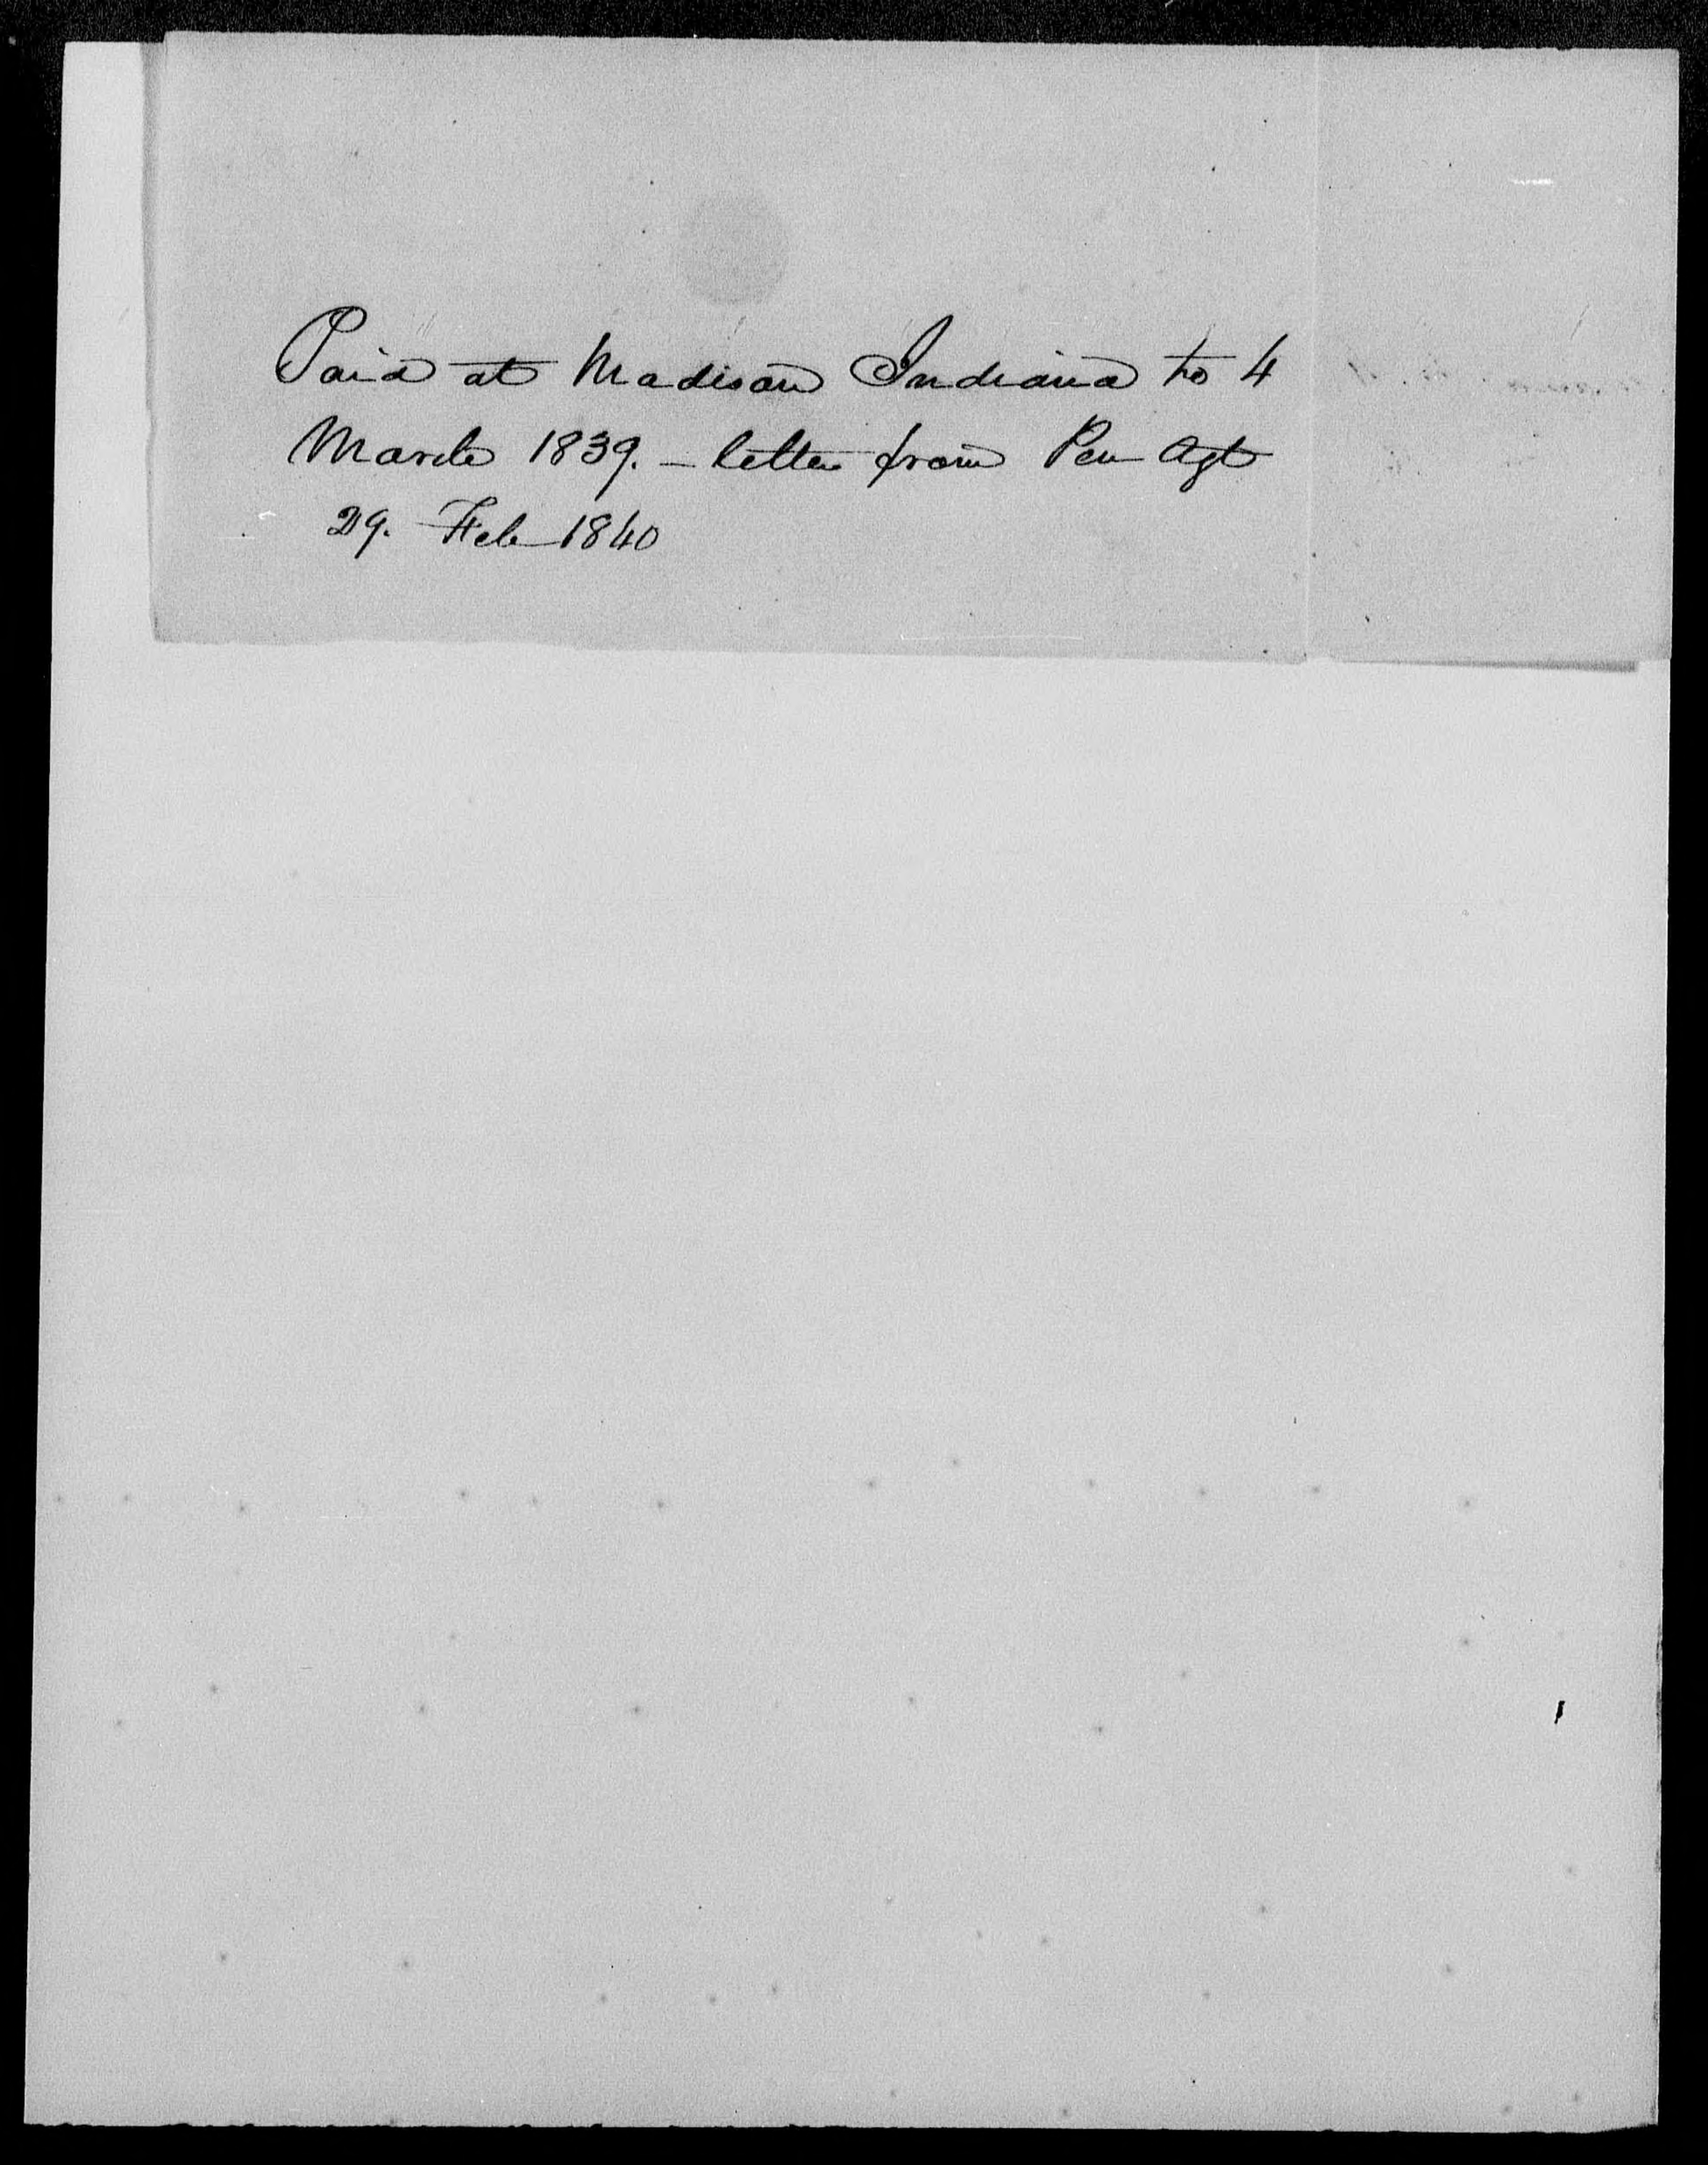Paid at Madison Indiana to 4 March 1839.  letter from Pen Agt 29 Feb. 1840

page: 22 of 31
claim: survivor's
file: S. 3049, William G Bryant, Va.